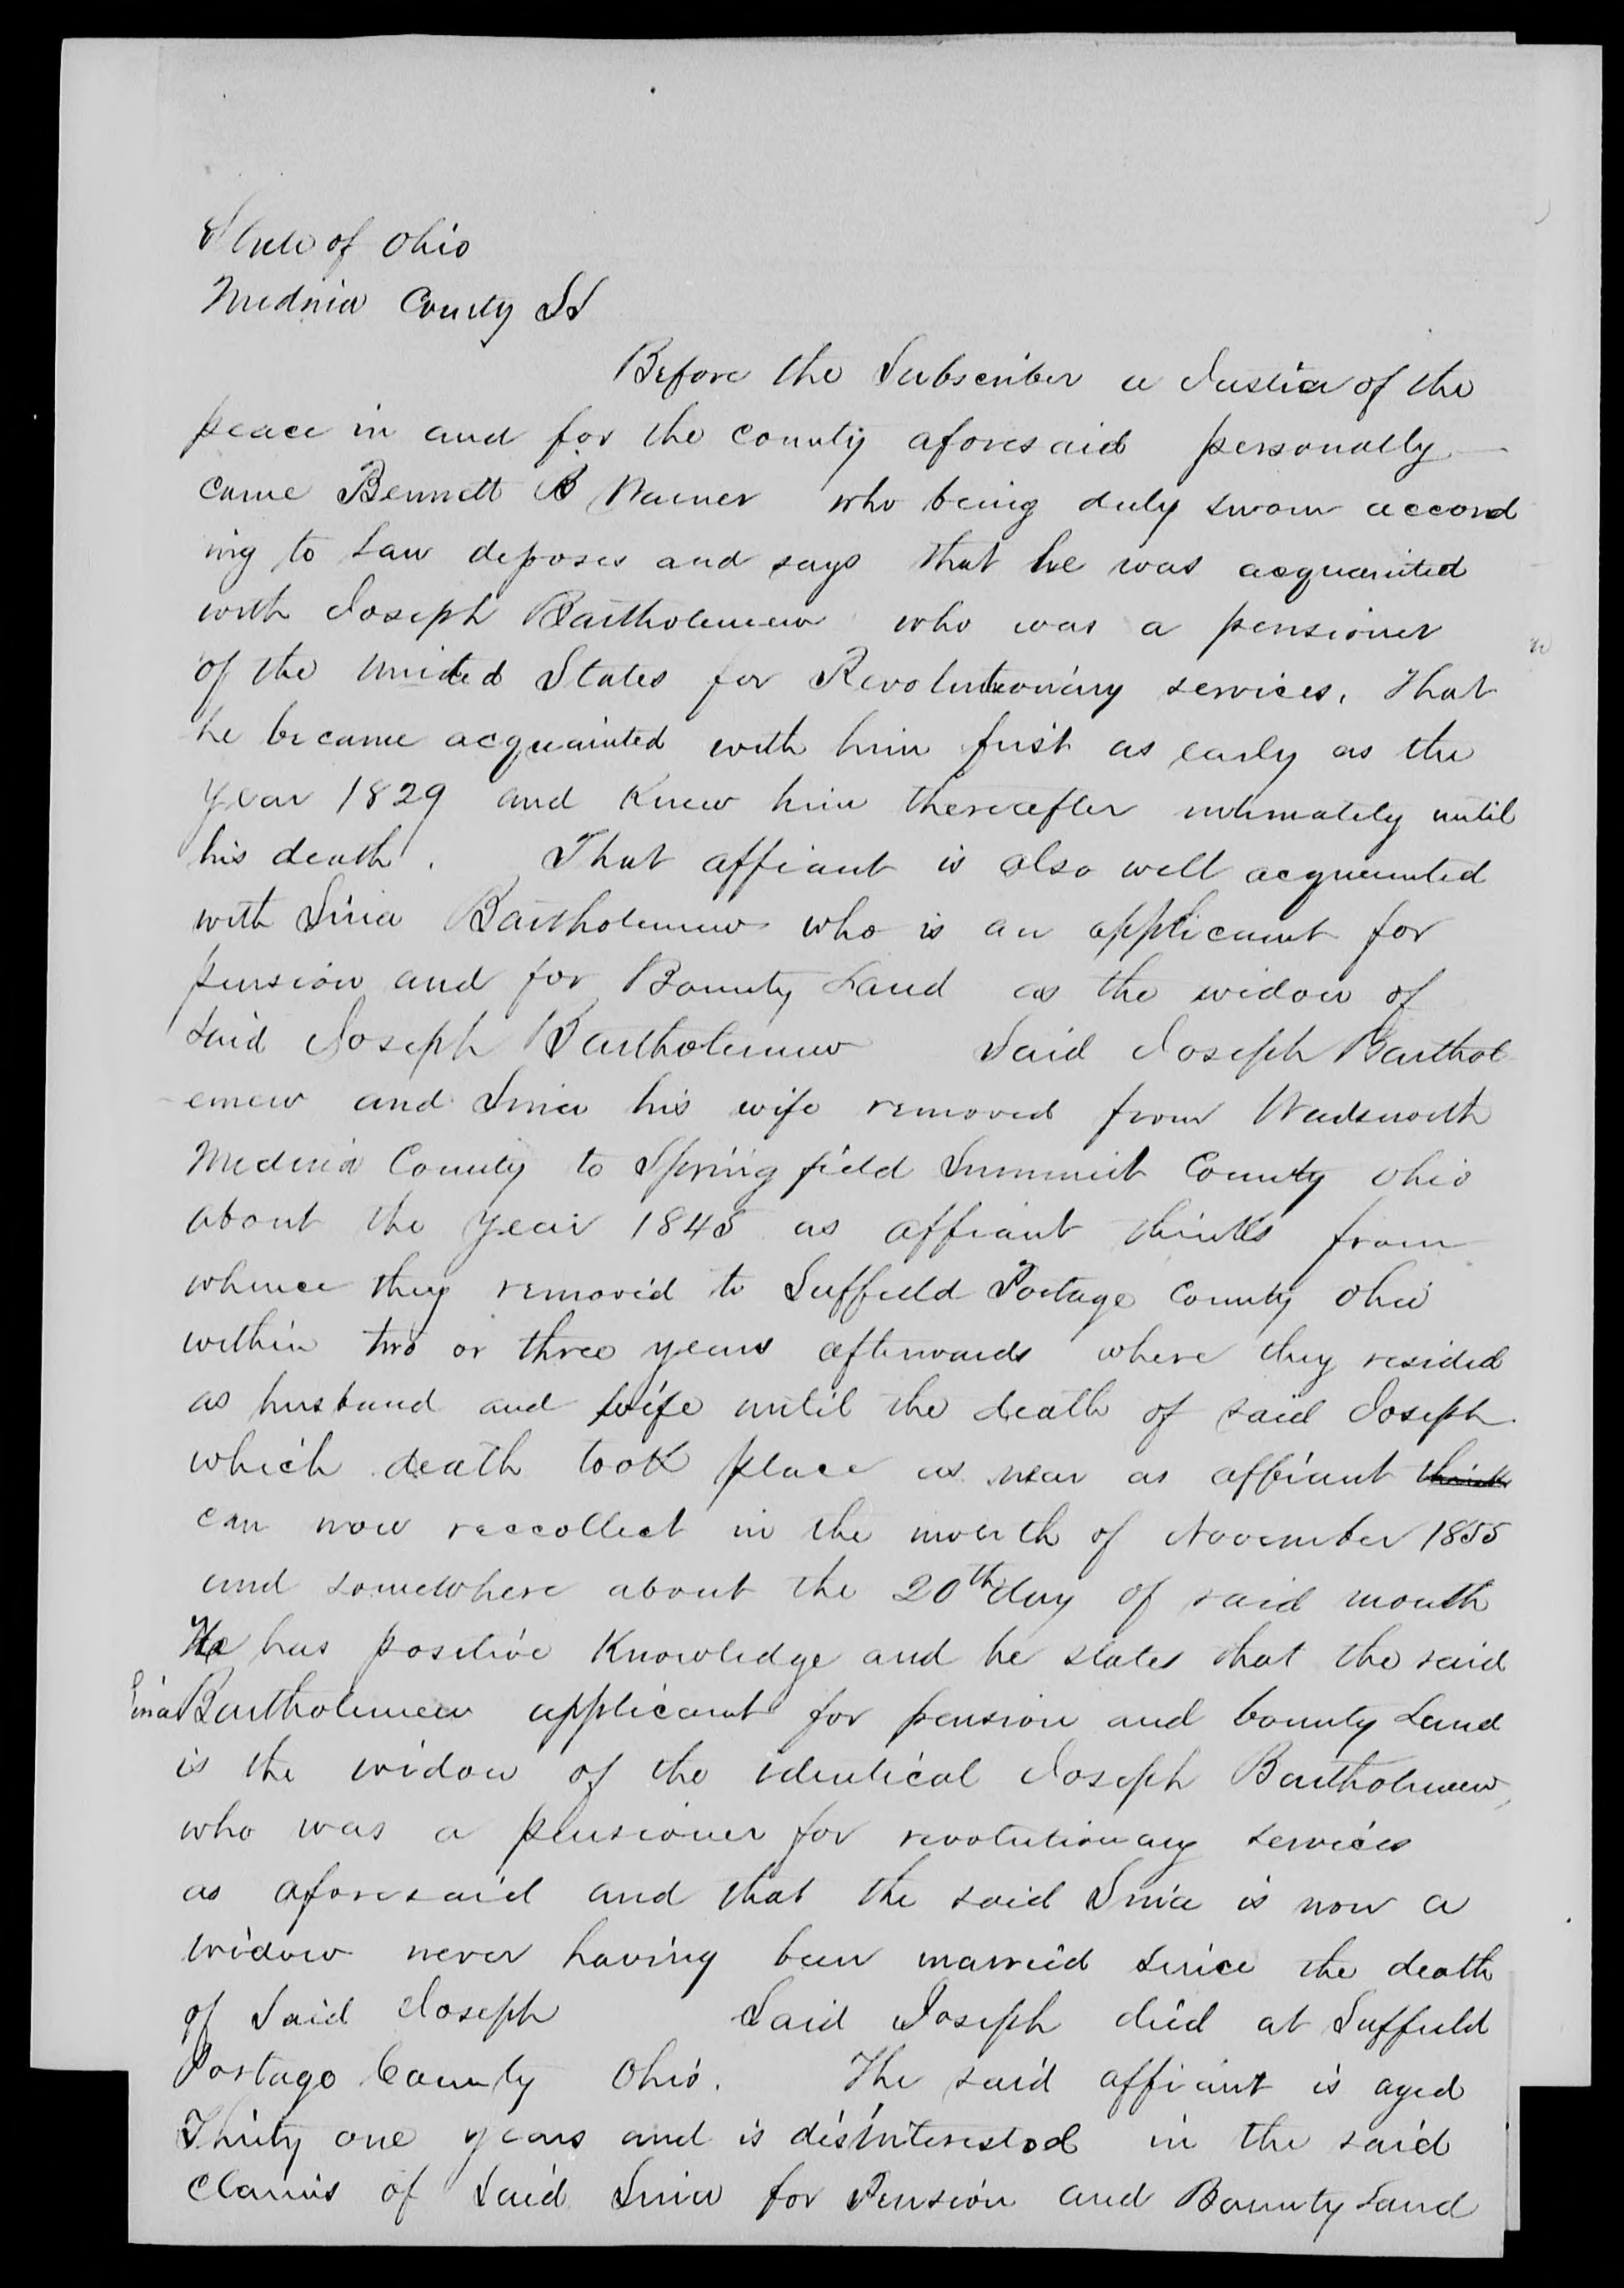State of Ohio
Medina County SS
Before the Subscriber a Justice of the
peace in and for the County aforesaid personally came
Bennett B Warner who being duly sworn accord-
ing to law deposes and says that he was acquainted with
Joseph Bartholomew who was a pensioner
of the United States for Revolutionary services. That
he became acquainted with him first as early as the
year 1829 and knew him thereafter intimately until
his death. That affiant is also well acquainted with
Sina Bartholomew who is an applicant for
pension and for Bounty Land as the widow of
said Joseph Bartholomew.  Said Joseph Barthol
new and Sina his wife removed from Wadsworth
Medina County to Springfield Summit County Ohio
about the year 1845 as affiant thinks
whence they removed to Suffield Portage County Ohio
within two or three years afterwards where they resided
as husband and wife until the death of said Joseph
which death took place as near as affiant (think)
can now recollect in the month of November 1855
and somewhere about the 20th day of said month
He has positive knowledge and he states that the said
Sina Bartholomew applicant for pension and County Land
is the widow of the identical Joseph Bartholomew
who was a pensioner for revolutionary services
as aforesaid and that the said Sina is now a
widow never having been married since the death
of said Joseph  Said Joseph died at Suffield
Portage County   The said affiant is aged
Thirty one years and is disinterested in the said
claims of said Sina for pension and Bounty Land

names: Joseph, Bennett B Warner, Sina, Joseph Bartholemew, Sina Bartholemew, Sina Bartholemew, Sina, Joseph, Joseph Bartholemew, Joseph Bartholemew, Joseph, Joseph Bartholemew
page: 50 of 76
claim: widow's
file: W. 9345, Joseph Bartholomew, Conn.